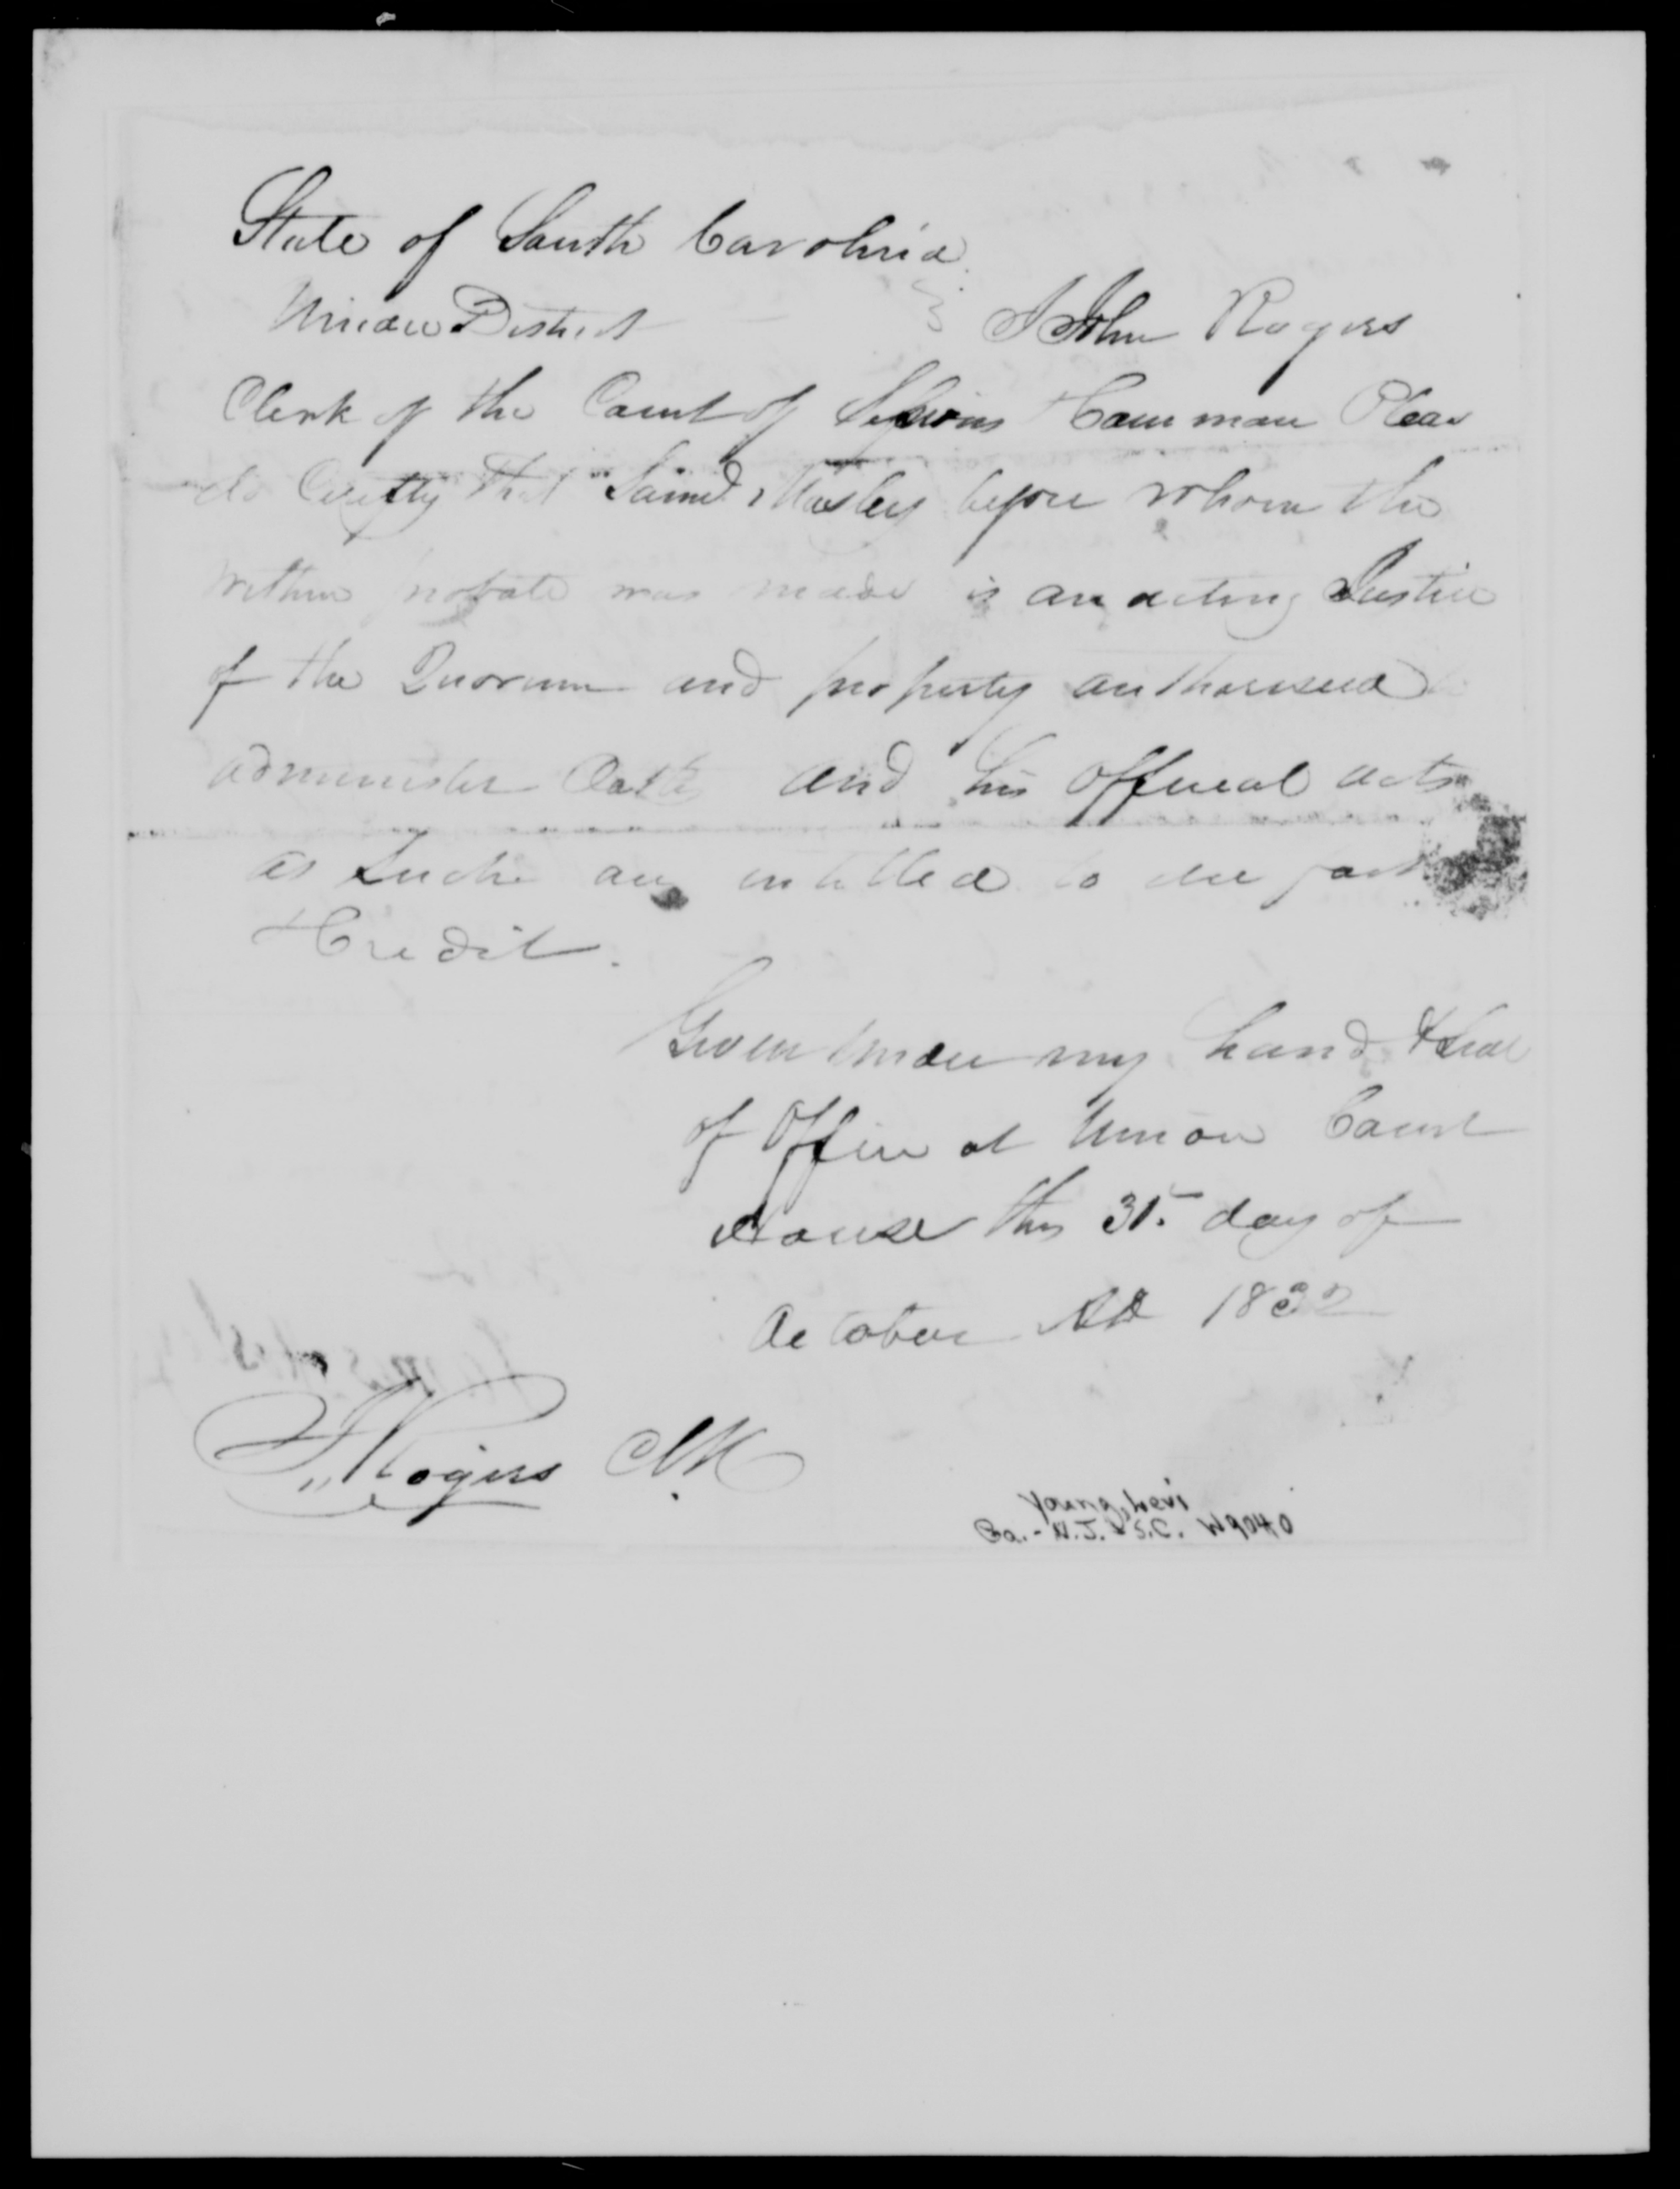State of South Carolina
Union District {  I John Rogers
Clerk of the Court of Sessions + Common Pleas
do certify that Saml [Samuel] Mosley before whom the
within probate was made is an acting Justice
of the Quorum and property(?) authorised (sic authorized) [to]
administer oaths and his official act
as such are entitled to due faith
and credit.
Given under my hand + seal
of Office at Union Court
House this 31 day of
October 1832
J. [John} Rogers CC [Clerk of Court]

Young, Levi
Ga. [Georgia] - N.J. [New Jersey] S.C. [South Carolina] W9040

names: Levi Young, Saml Mosley, John Rogers, J Rogers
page: 27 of 56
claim: widow's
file: W. 9040, Levi Young, Ga. New Jersey S.C.